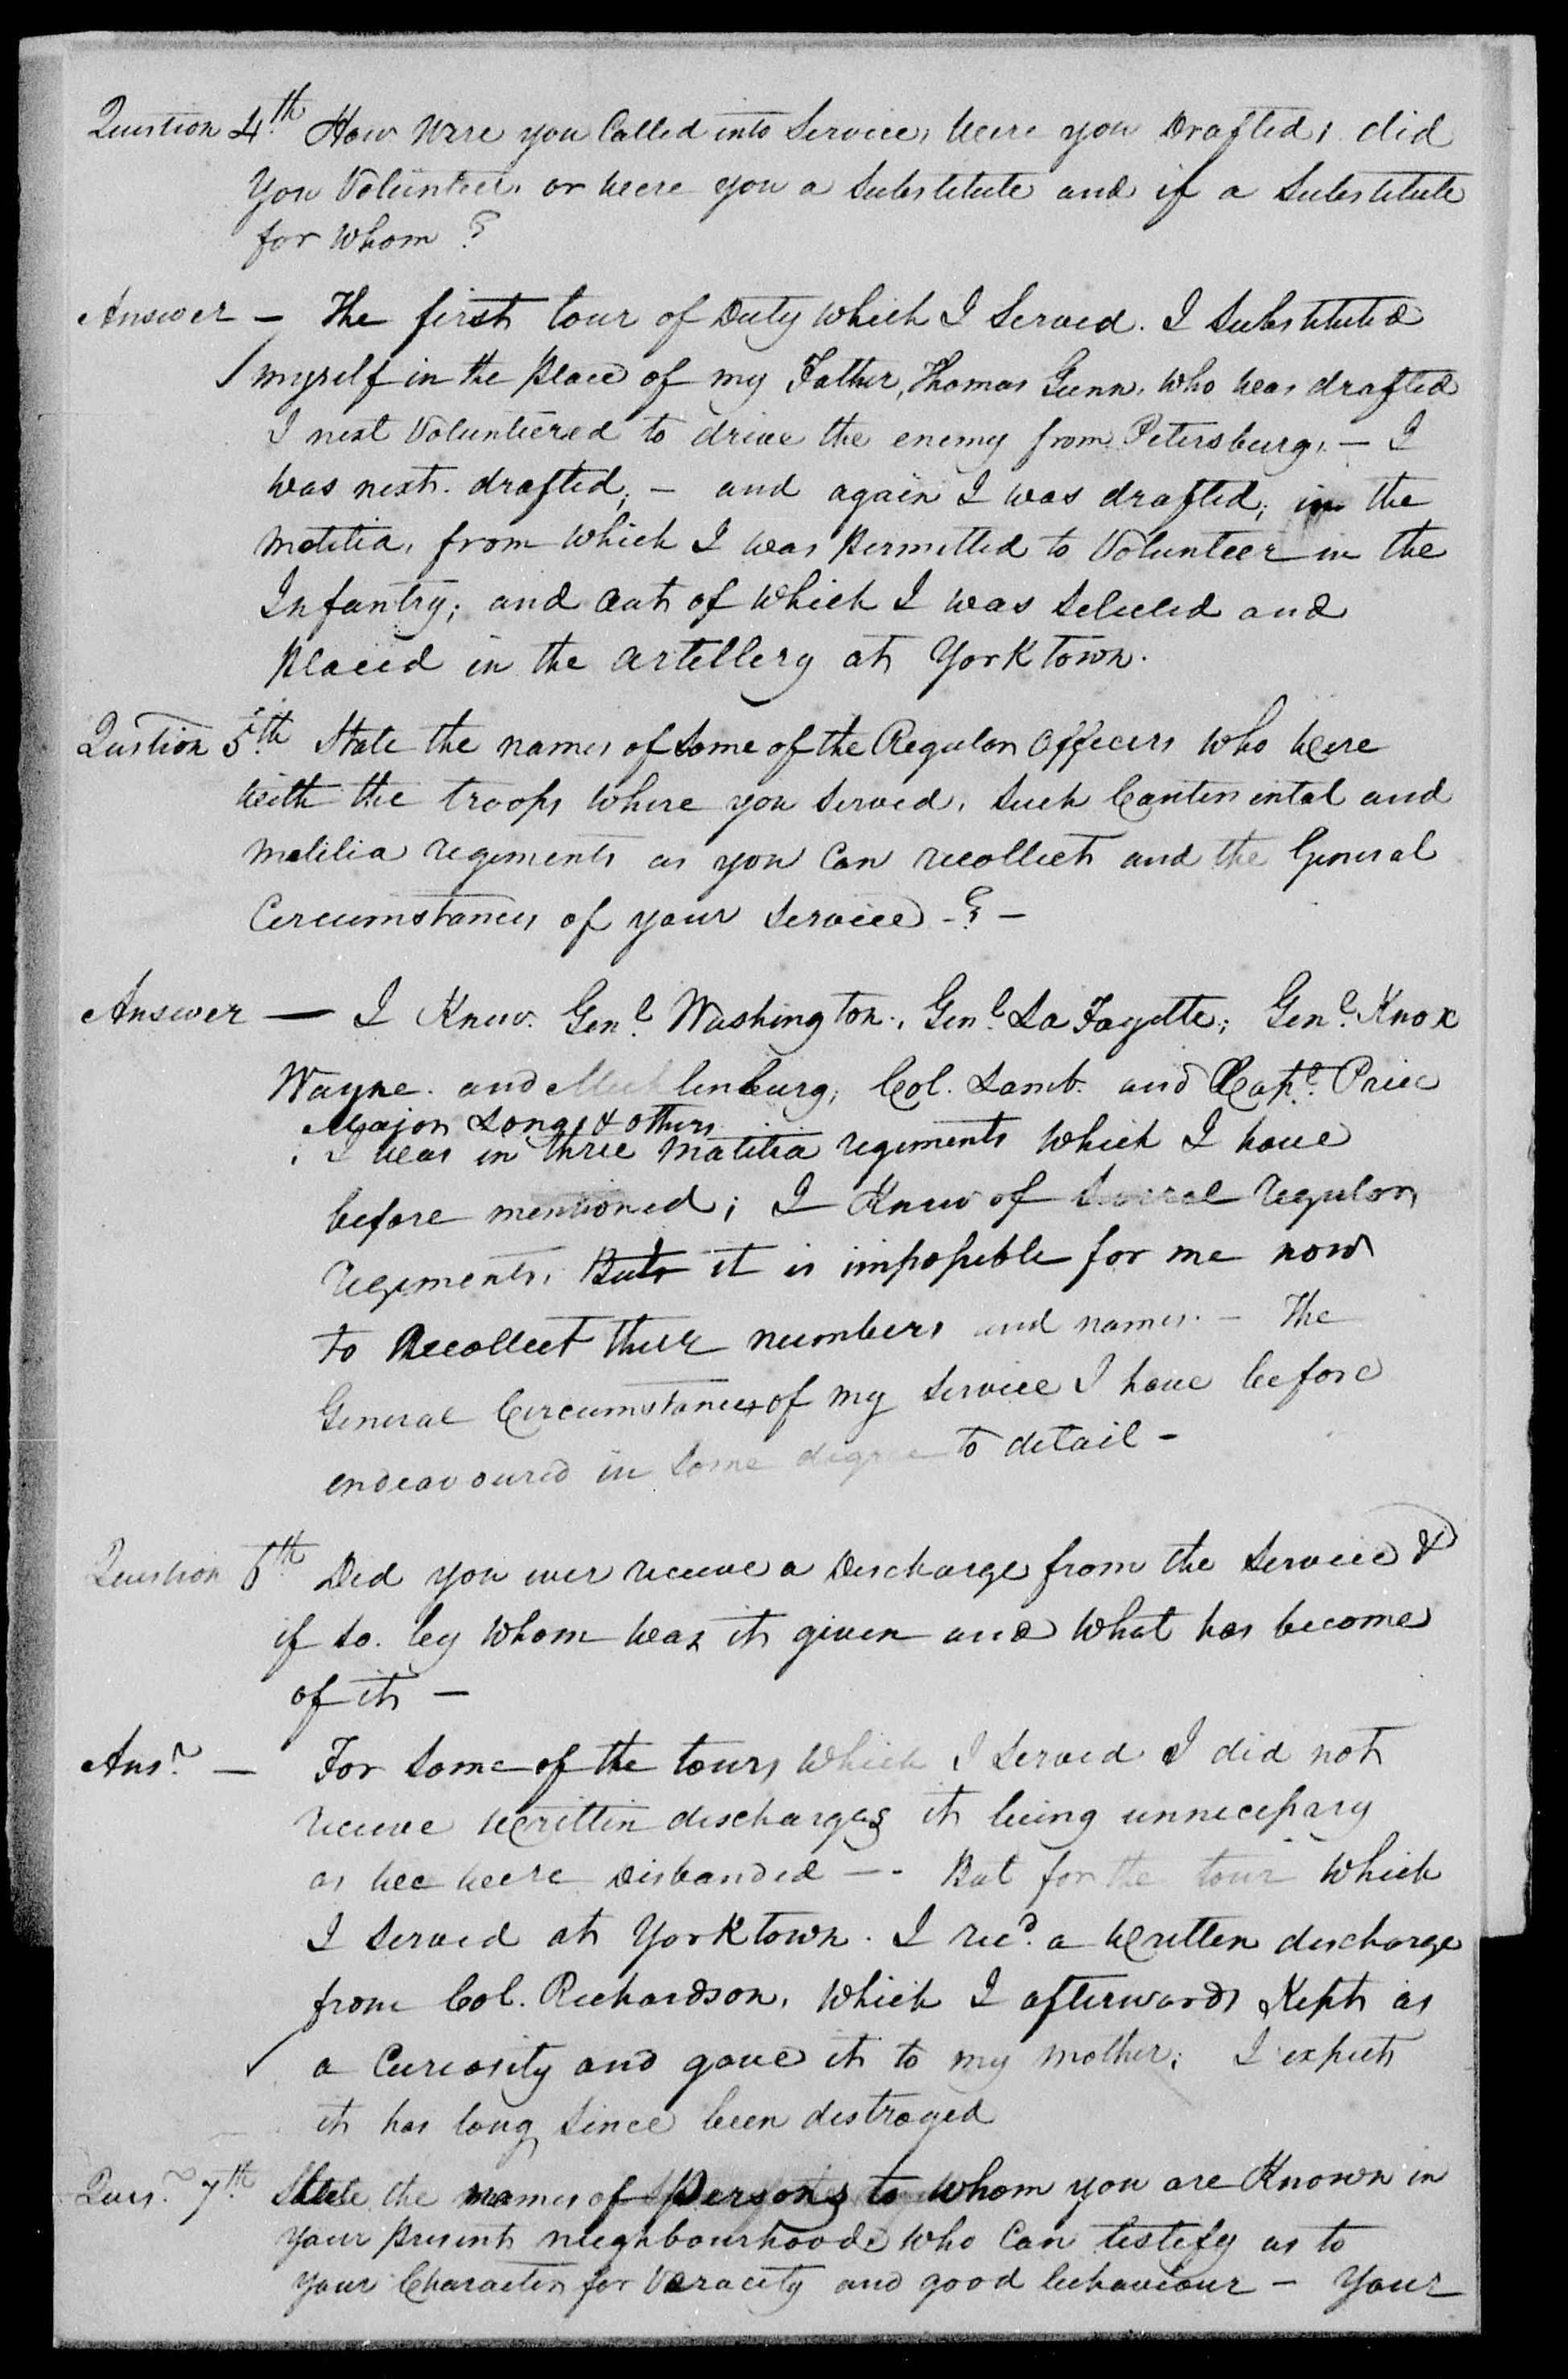Question 4th  How were you called into service, were you Drafted, did you volunteer or were you a Substitute and if a Substitute for whom?
Answer— The first tour of Duty which I served. I substituted myself in the place of my Father, Thomas Gunn, who was drafted  I next Volunteered to drive the enemy from Petersburg.—  I was next drafted;— and again I was drafted; in the militia, from which I was permitted to Volunteer in the Infantry; and out of which I was selected and placed in the artillery at Yorktown.
Question 5th  State the names of some of the Regular Officers who were with the troops where you served, such Continental and militia regiments as you can recollect and the General Circumstances of your service -?-
Answer— I knew Genl. Washington, Genl. La Fayette; Genl. Knox Wayne and Muhlenburg; Col. Lamb and Capt. Price Major Long & others. I was in three Malitia regiments which I have before mentioned; I knew of some regular regiments, but it is impossible for me now to Recollect there numbers and names.— The General Circumstances of my service I have before endeavoured in some degree to detail-
Question 6th  Did you ever receive a Discharge from the service & if so, by whom was it given and what has become of it—
Asnr.—  For some of the tours which I served I did not receive written discharges its being unnecessary as we were Disbanded—.  But for the tour which I served at Yorktown. I recd. a written discharges from Col. Richardson, which I afterwards kept as a curiosity and give it to my mother; I expect it has long since been destroyed
Ques. 7th  State the names of persons to whom you are known in your present nieghbourhood who can testify as to your Character for veracity and good behavior—  Your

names: Thomas Gunn, Lamb, Price, Richardson, Washington, Knox, Muhlenburg, La Fayette, Long, Wayne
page: 9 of 58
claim: survivor's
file: S. 6,941, Starling Gunn, Continental Va.